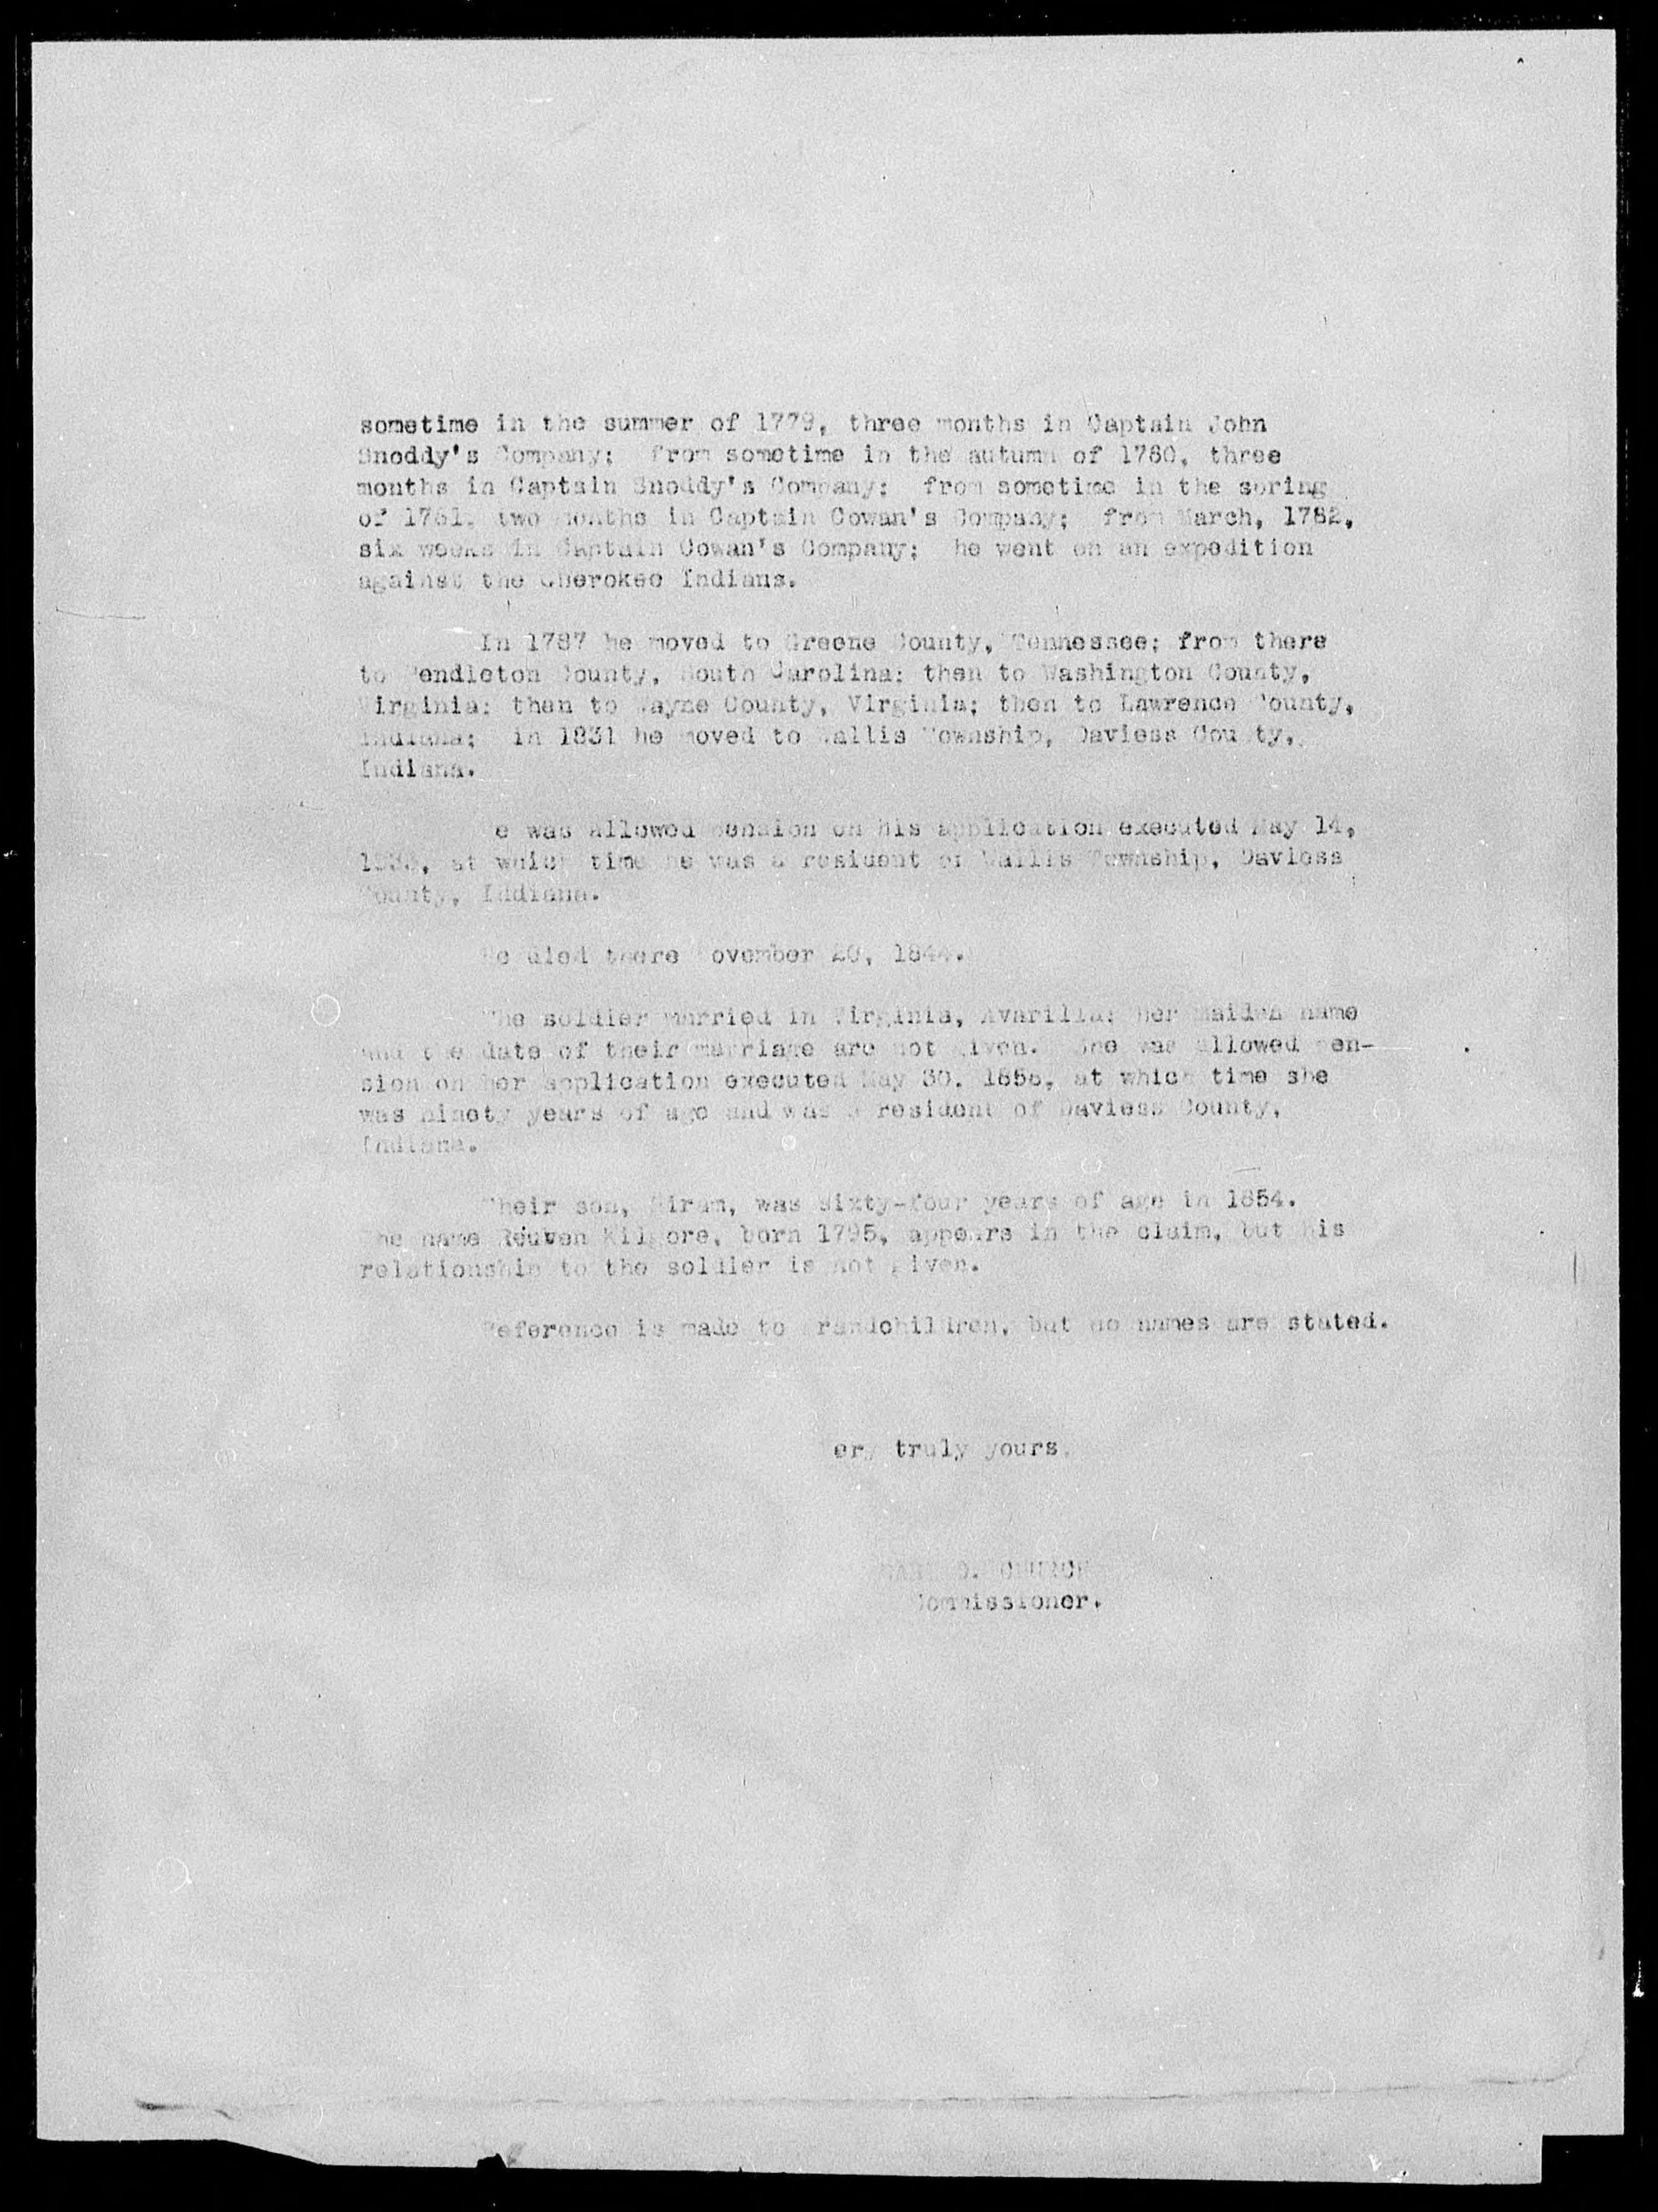sometime in the summer of 1779, three months in Captain John Snoddy's Company; from sometime in the autumn of 1780, three months in Captain Snoddy's Company; from sometime in the spring of 1781, two months in Captain Cowan's Company; from March, 1782, six weeks in Captain Cowan's Company; he went on an expedition against the Cherokee Indians.
In 1787 he moved to Greene County, Tennessee; from there to Pendleton County, South Carolina; then to Washington County, Virginia; then to Wayne County, Virginia; then to Lawrence County, Indiana; in 1831 he moved to Wallis Township, Daviess County, Indiana.
He was allowed pension on his application executed May 14, 1833, at which time he was a resident of Wallis Township, Daviess County, Indiana.
He died there November 28, 1844.
The soldier married in Virginia, Amarilla; her maiden name and the date of their marriage are not given. She was allowed pension on her application executed May 30, 1856, at which time she was ninety years of age and was a resident of Daviess County, Indiana.
Their son, Hiram, was sixty-four years of age in 1854. The name Reuben Kilgore, born 1795, appears in the claim, but his relationship to the soldier is not given.
Reference is made to Grandchildren, but no names are stated.
Very truly yours,
EARL D. CHURCH
Commissioner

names: Hiram [BLANK]; Avarilla [BLANK]; Reuben Kilgore; Earl D Church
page: 100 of 115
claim: survivor's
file: S. 699, for Charles Kilgore, Virginia